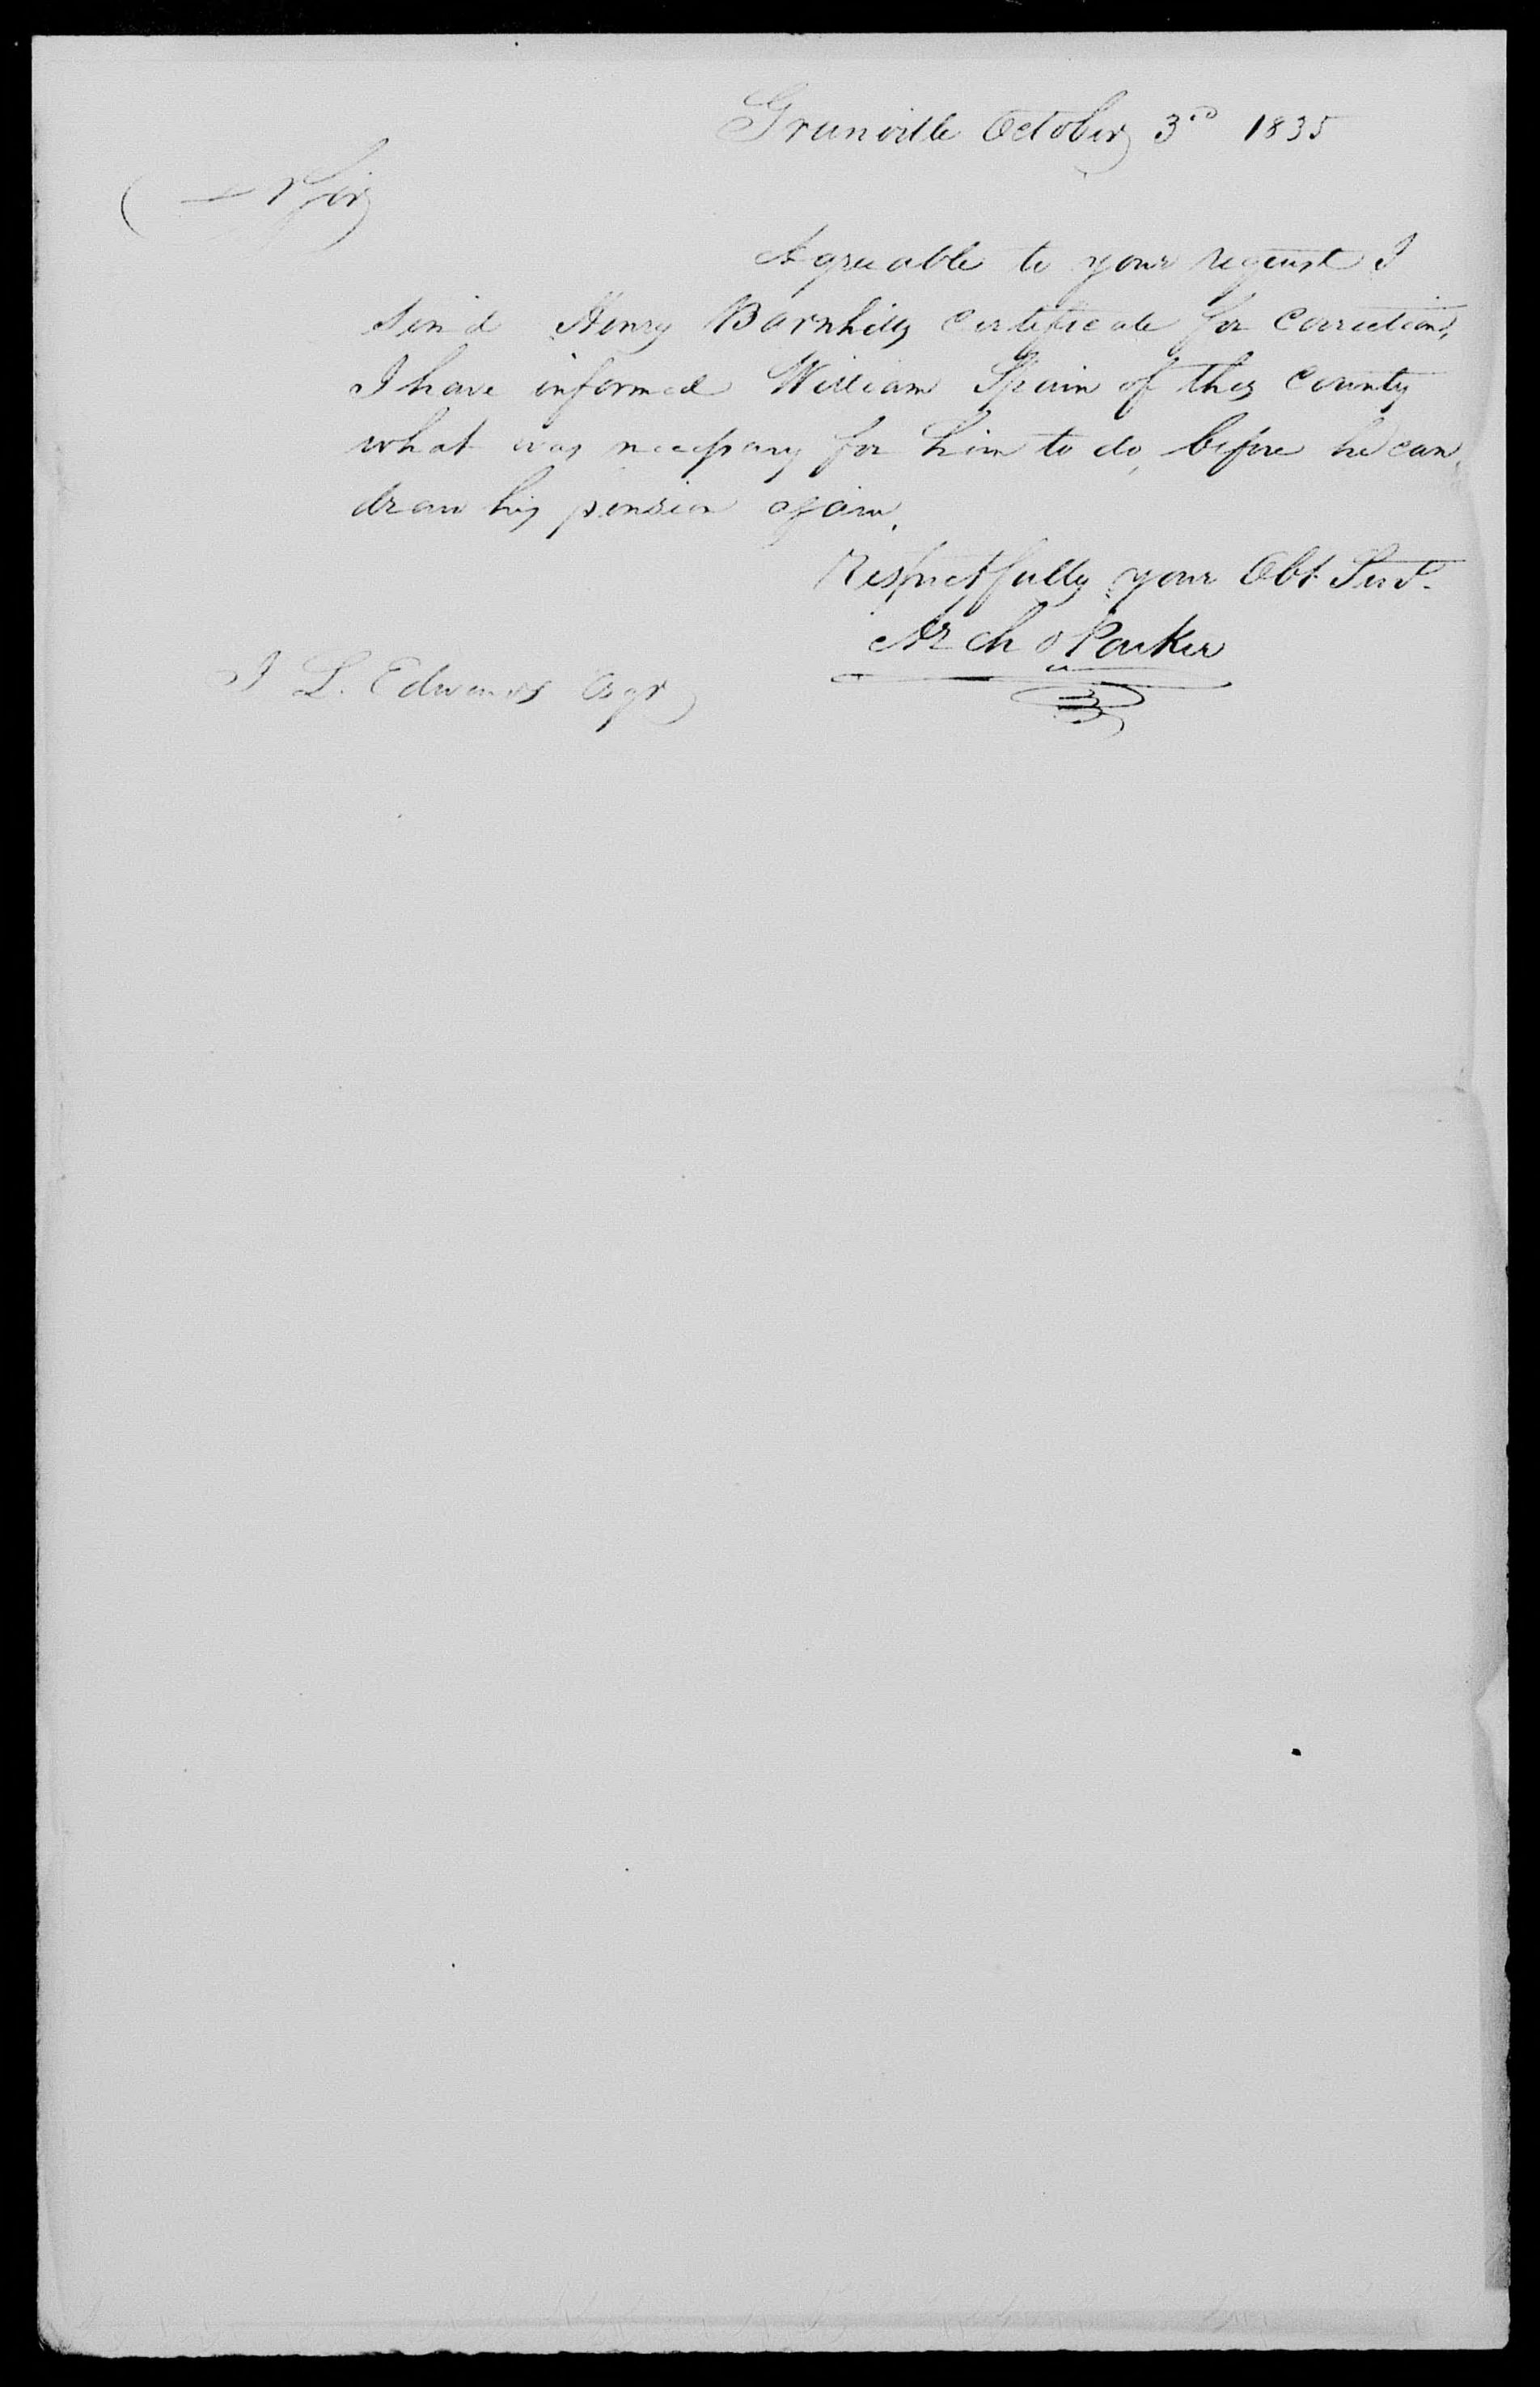Grenville October 3rd 1835

Dr Sir
Agreeable to your request I send Henry Barnhills certificate for corrections, I have informed William Spain of this county what was necessary for him to do before he can draw his pension again.
respectfully your Obt. Servt. [obedient Servant]
S/Arch Parker


J L Edwards Esqr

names: Henry Barnhills, Archo Parker, J L Edwards, William Sperin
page: 38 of 42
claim: survivor's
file: S. 6579, Henry Barnhill, N. C.